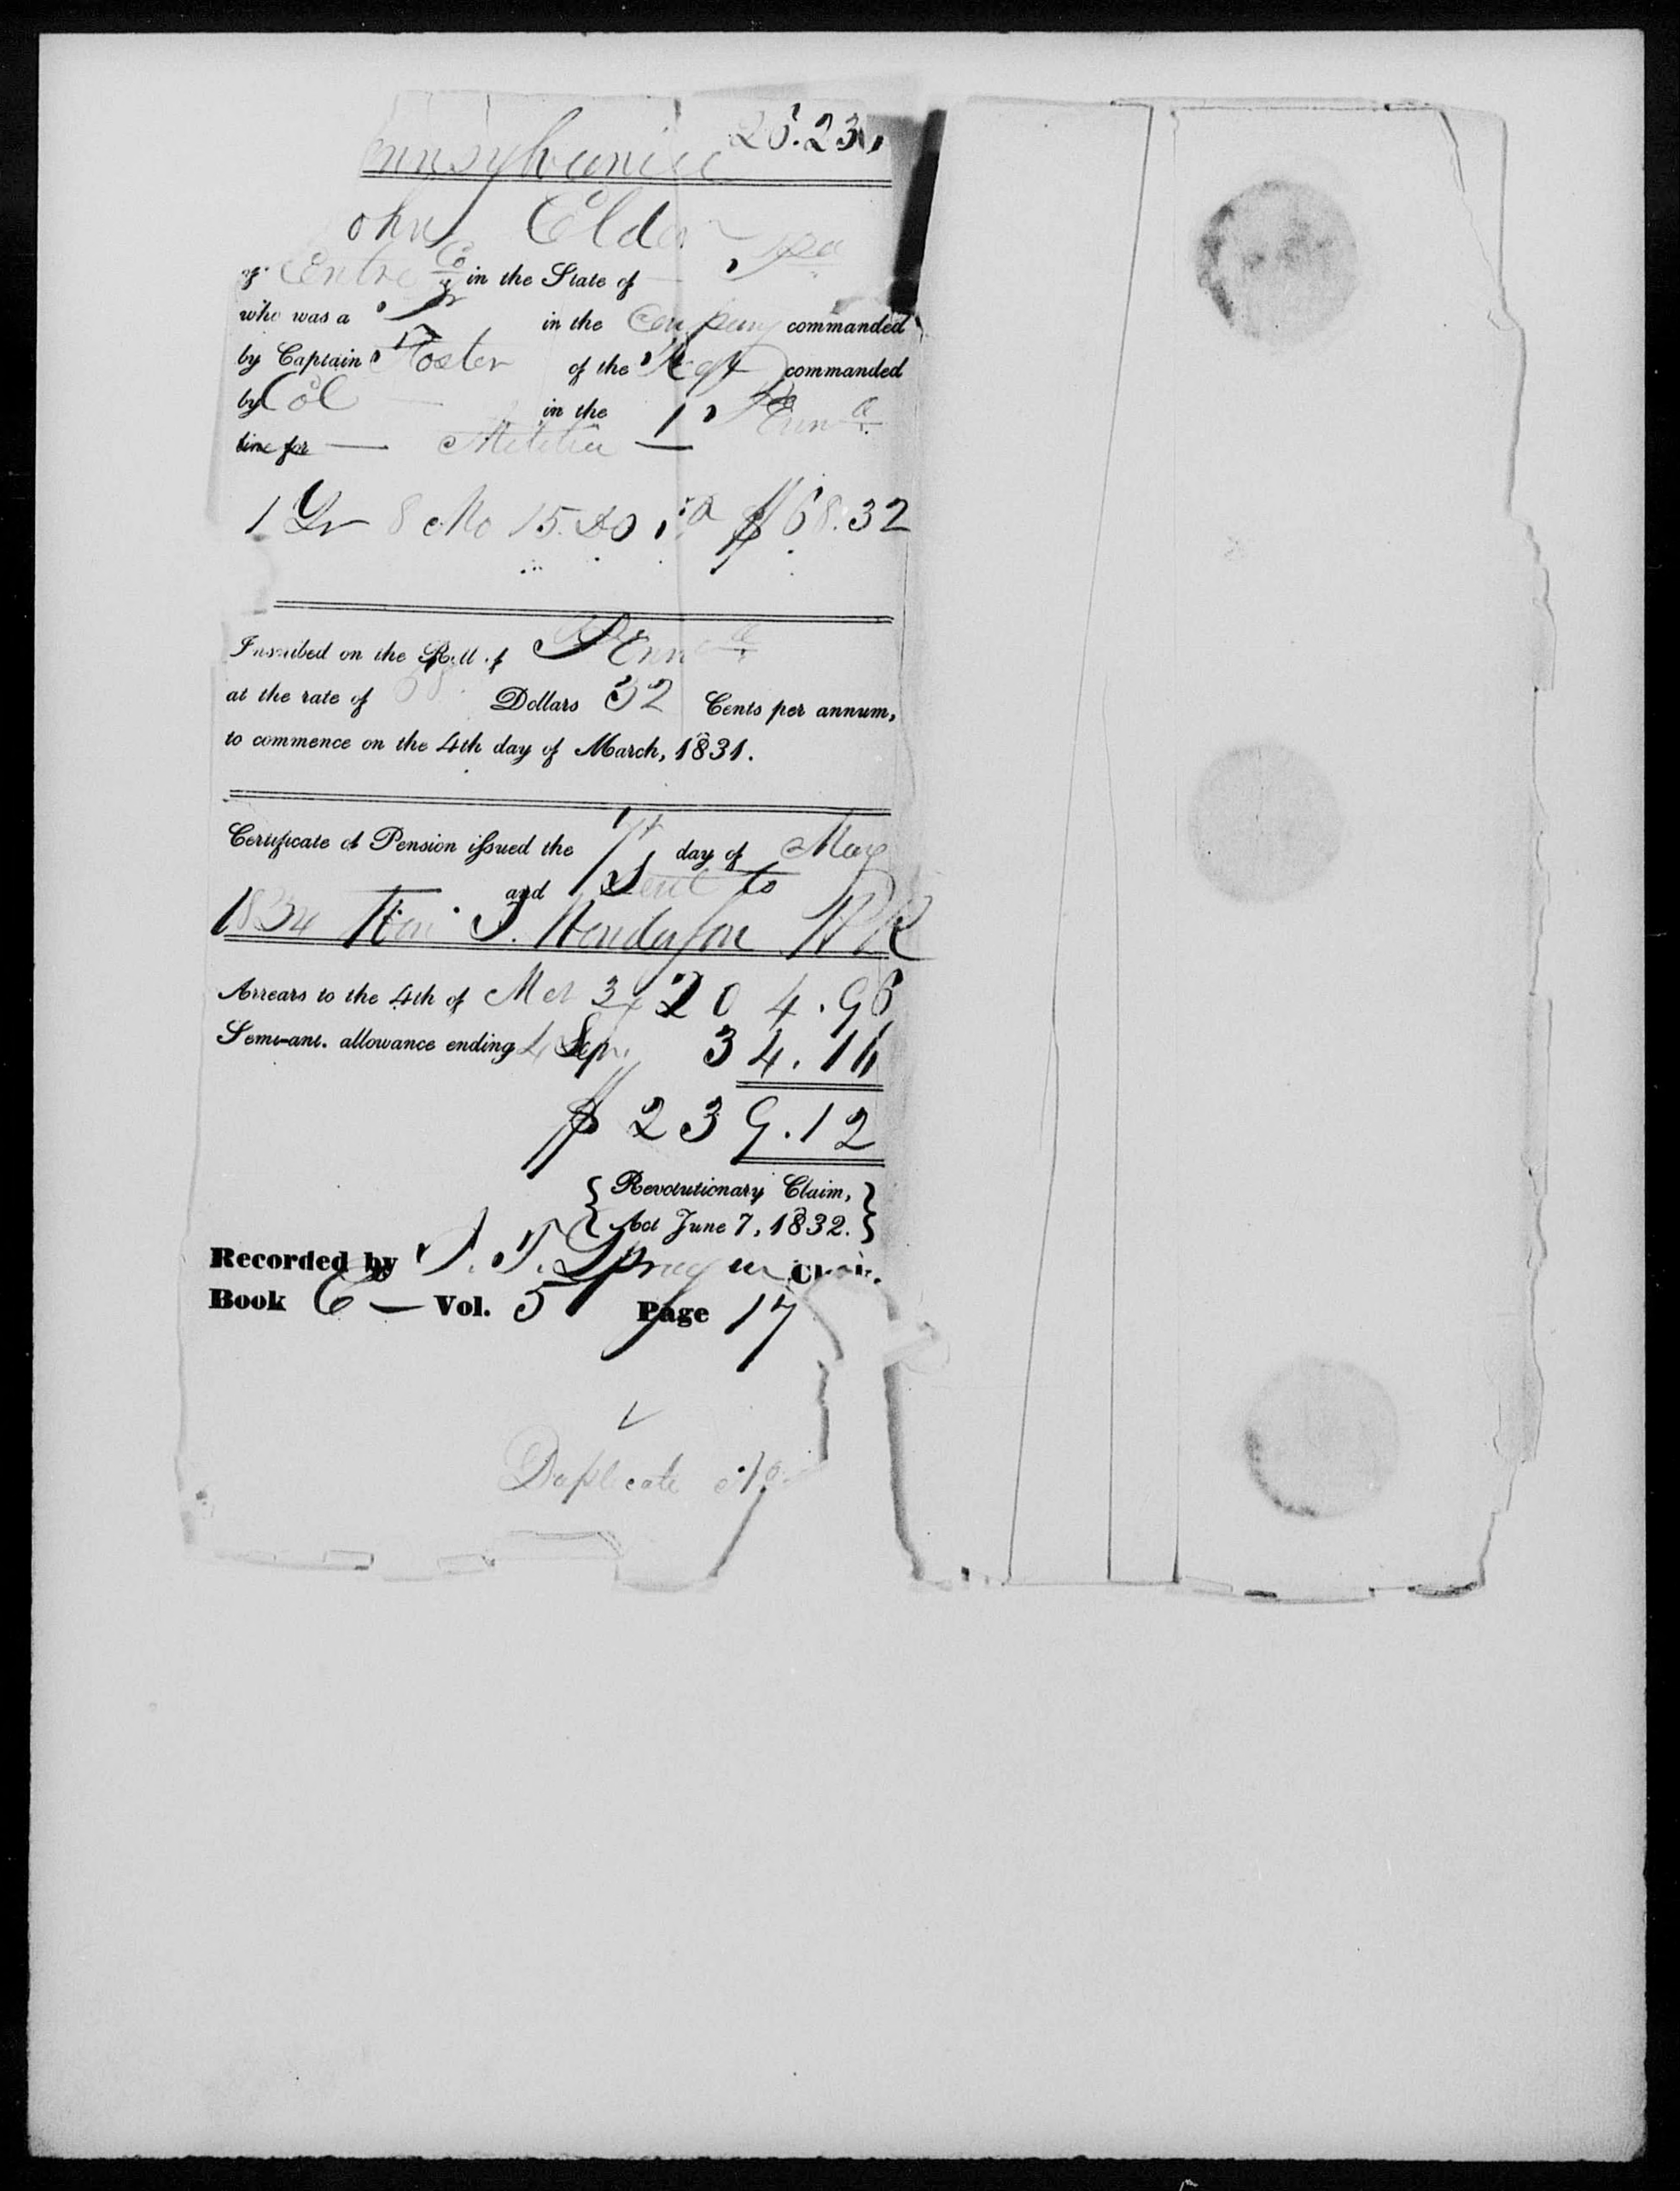Pennsylvania 2623[? number illegible, torn paper]
John Elder of Centr Co in the State of  [blank] who was a [illegible] in the Company commanded by Captain Foster of the Regiment Commanded by Colonel [blank] in the 10 Pennsylvania Ateliers
1 [illegible] 8 No 15 Do $68.32
Inscribed on the Roll of Pennsylvania at the rate of 68 Dollars 32 Cents per annum, to commence on the 4th ay of March 1834.
[double line]
Certificate of Pension issued the 7th day of May
and Sent to 1824 Tom J Henderson Attorney R
[double line]
Arrears to the 4th of March 3 x 204.96
Semi anl. allowance ending 4 Sep $34.11  
[double line, total] $239.12
Revolutionary Claim Act June 7, 1832
Recorded by J T. Sprague Clerk
Book 6 Vol 5 Page 17
Duplicate No.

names: John Elder, Foster, J Henderson, J T Sprague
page: 2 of 80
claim: widow's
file: W. 24117, John Elder, Penn.